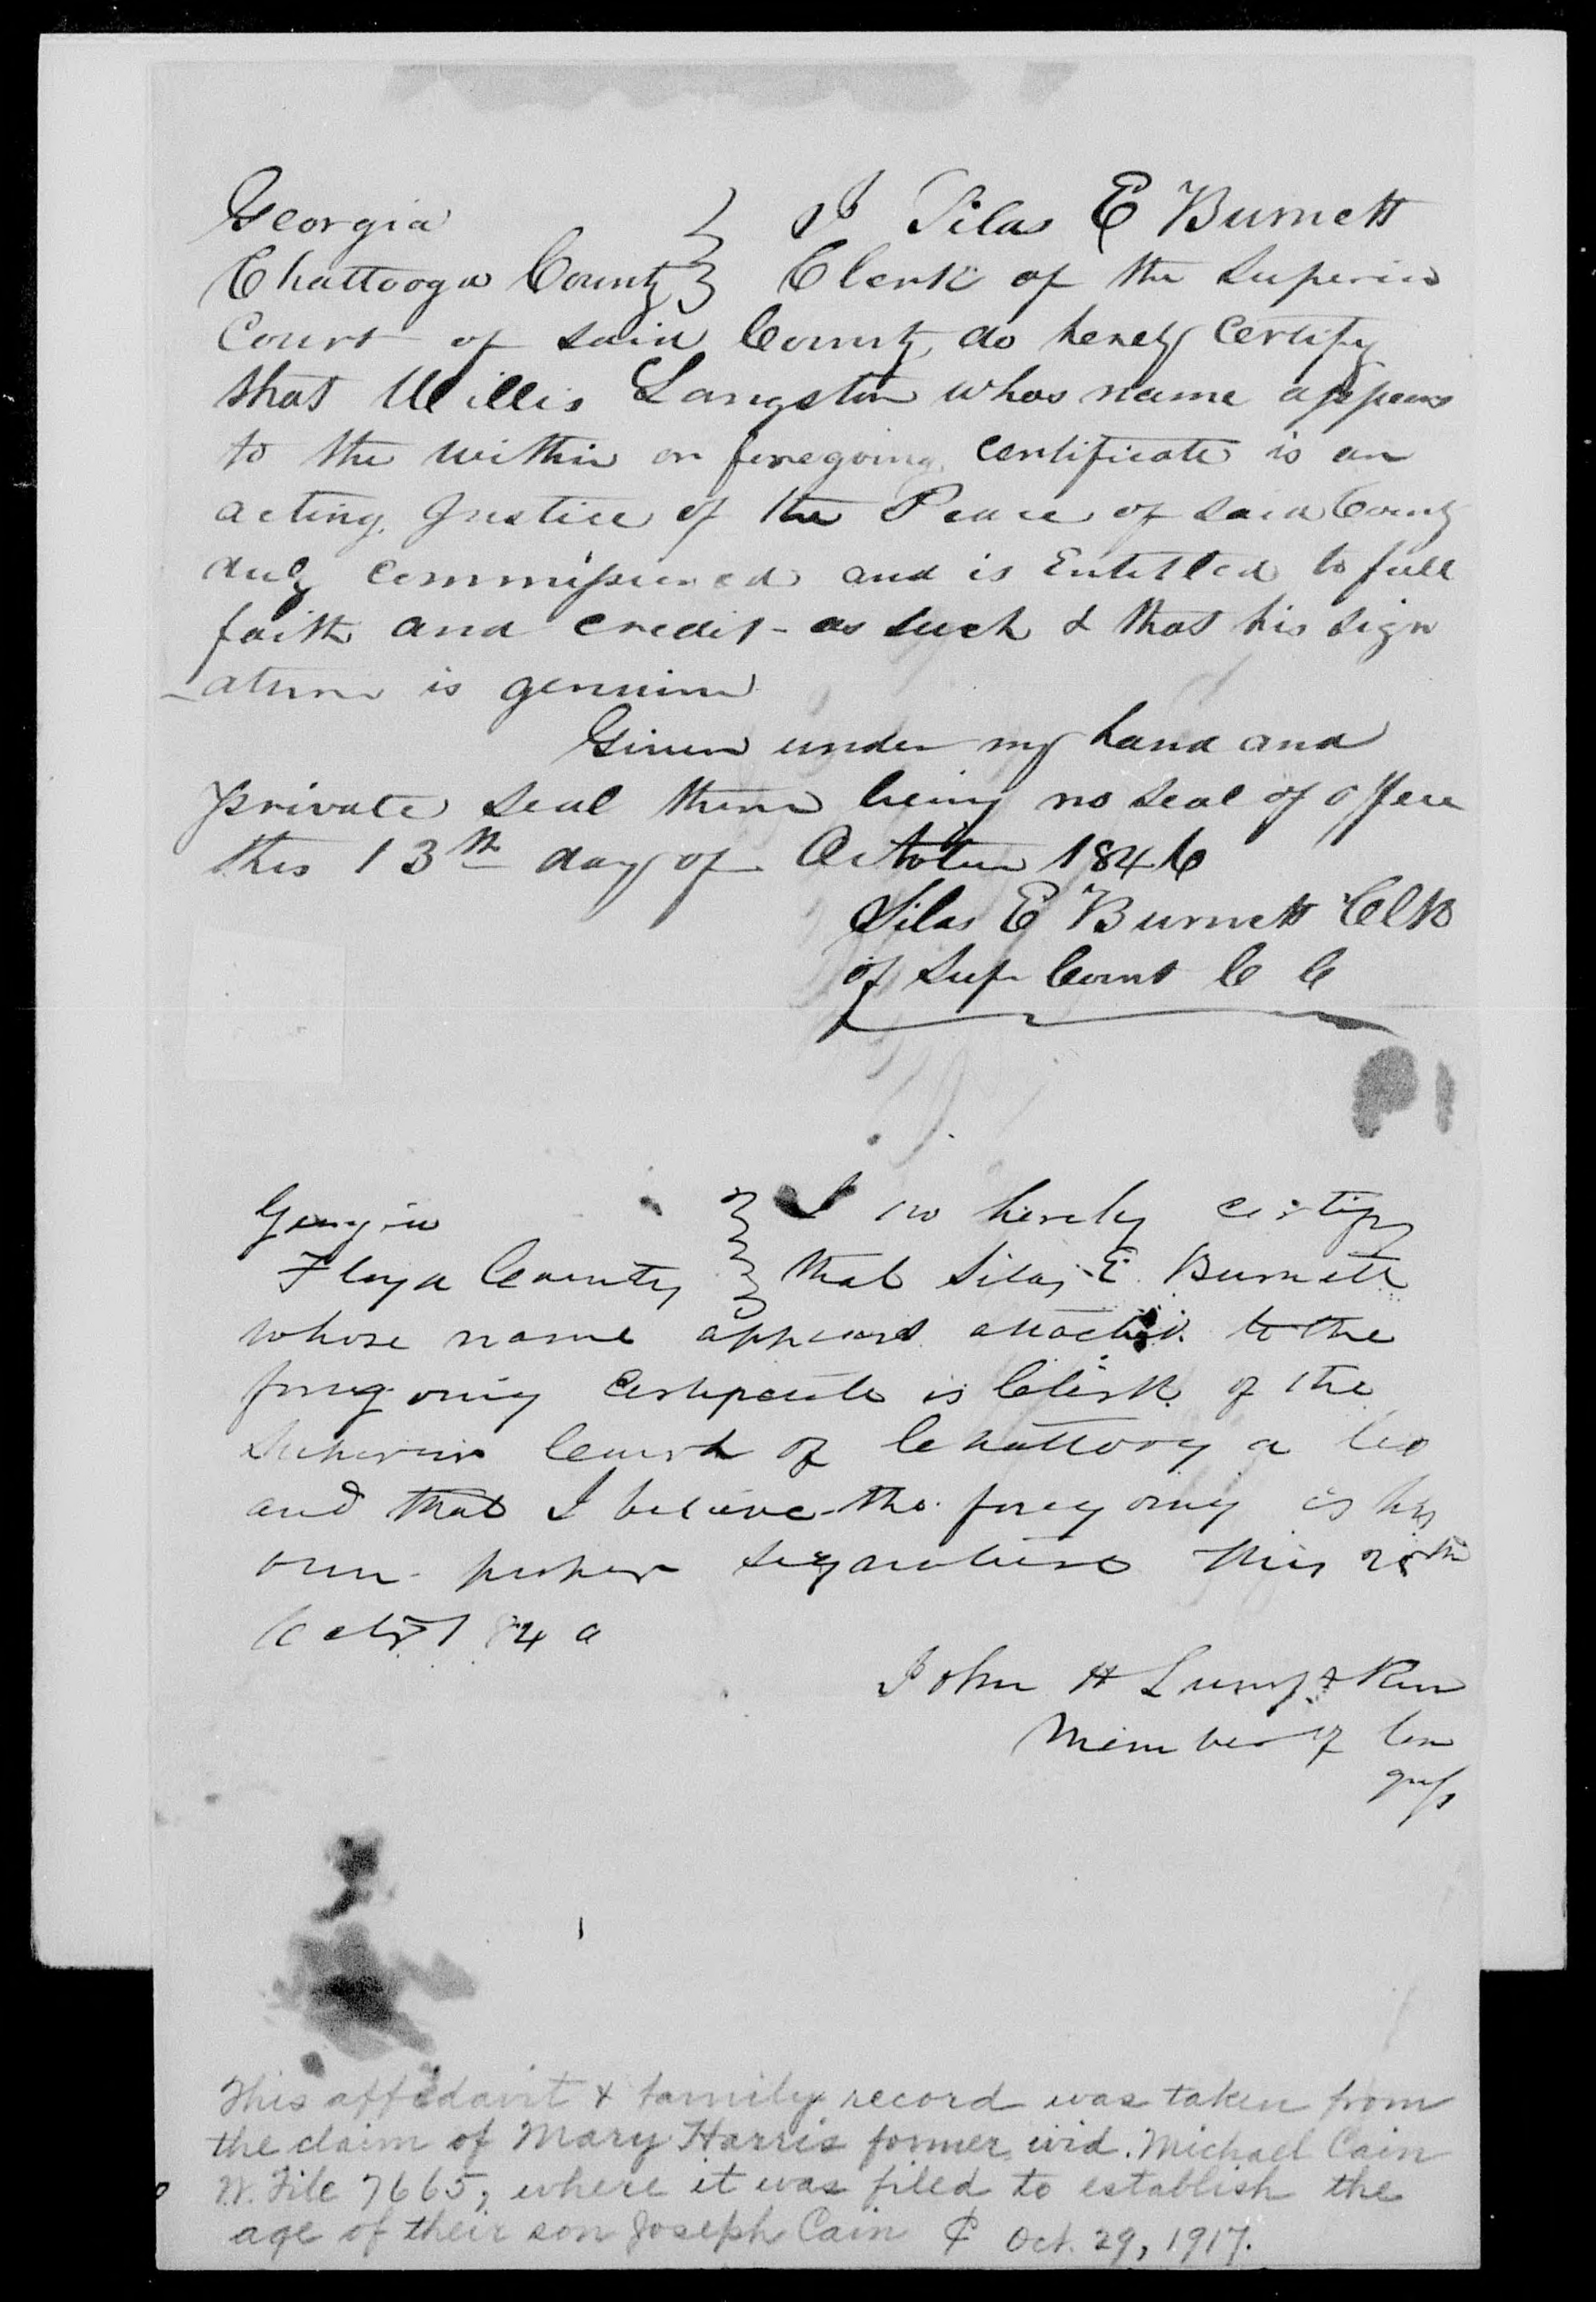Georgia }
Chattooga County }
I Silas E Burnett Clerk of the Superior court of said County, do hereby certify that Willis Langston whos name appears to the within or foregoing certificate is an acting Justice of the Peace of said County duly commissioned and is Entitled to full faith and credit - as such & that his signature is genuine

Given under my hand and private seal there being no seal of office this 13th day of October 1846
S/Silas E Burnett Clk
of Sup Court C C
______________

Georgia }
Floyd County }
I do hereby certify that Silas E Burnett whose name appears attached to the foregoing certificate is Clerk of the Superior Court of Chattooga Co and that I believe the foregoing is his own proper signature this 25th Oct 1846
S/John H Lumpkin
Member of Congress



This affidavit & family record was taken from the claim of Mary Harris former wid. Michael Cain W. File 7665, where it was filed to establish the age of their son Joseph Cain [C with a vertical line through it] Oct. 29, 1917.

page: 23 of 26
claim: widow's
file: W. 4464, for John H Johnson, Georgia